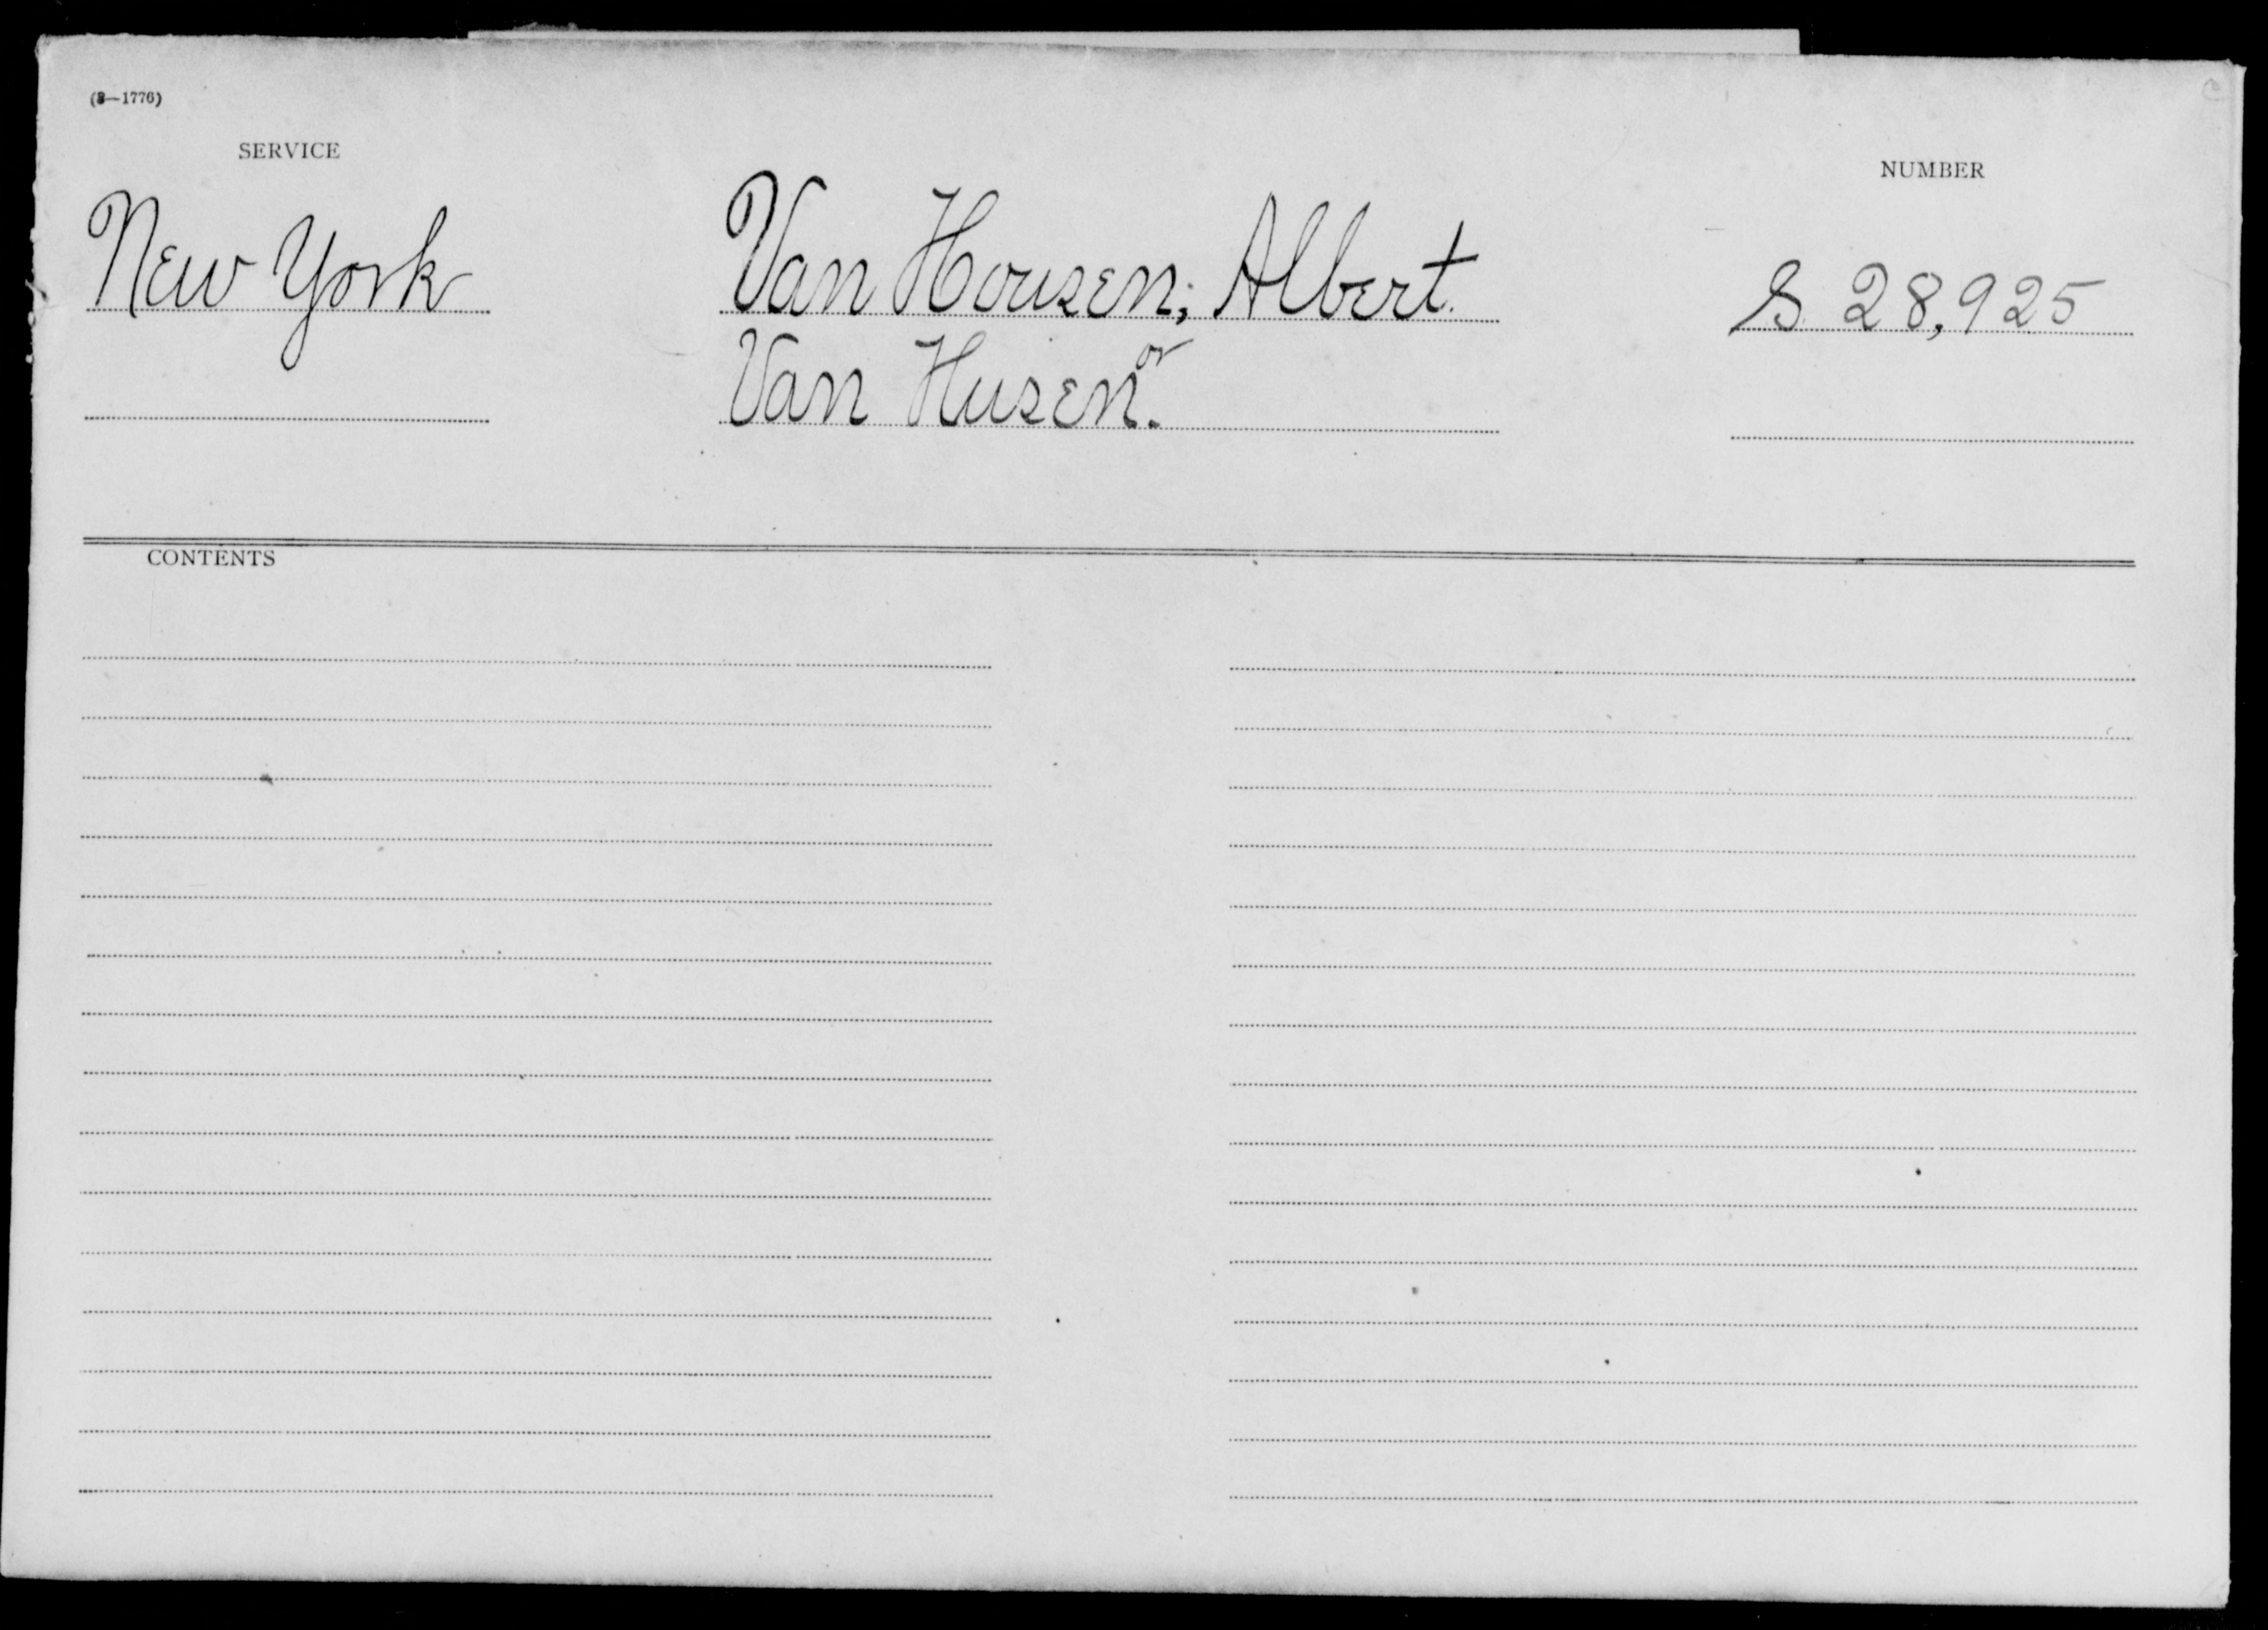(3-1776) 

SERVICE 
New York 

Van Housen, Albert or Van Husen. 

NUMBER 
S. 28.925 

CONTENTS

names: Albert Van Husen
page: 1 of 57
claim: survivor's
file: S. 28,925, Albert Van Housen, New York